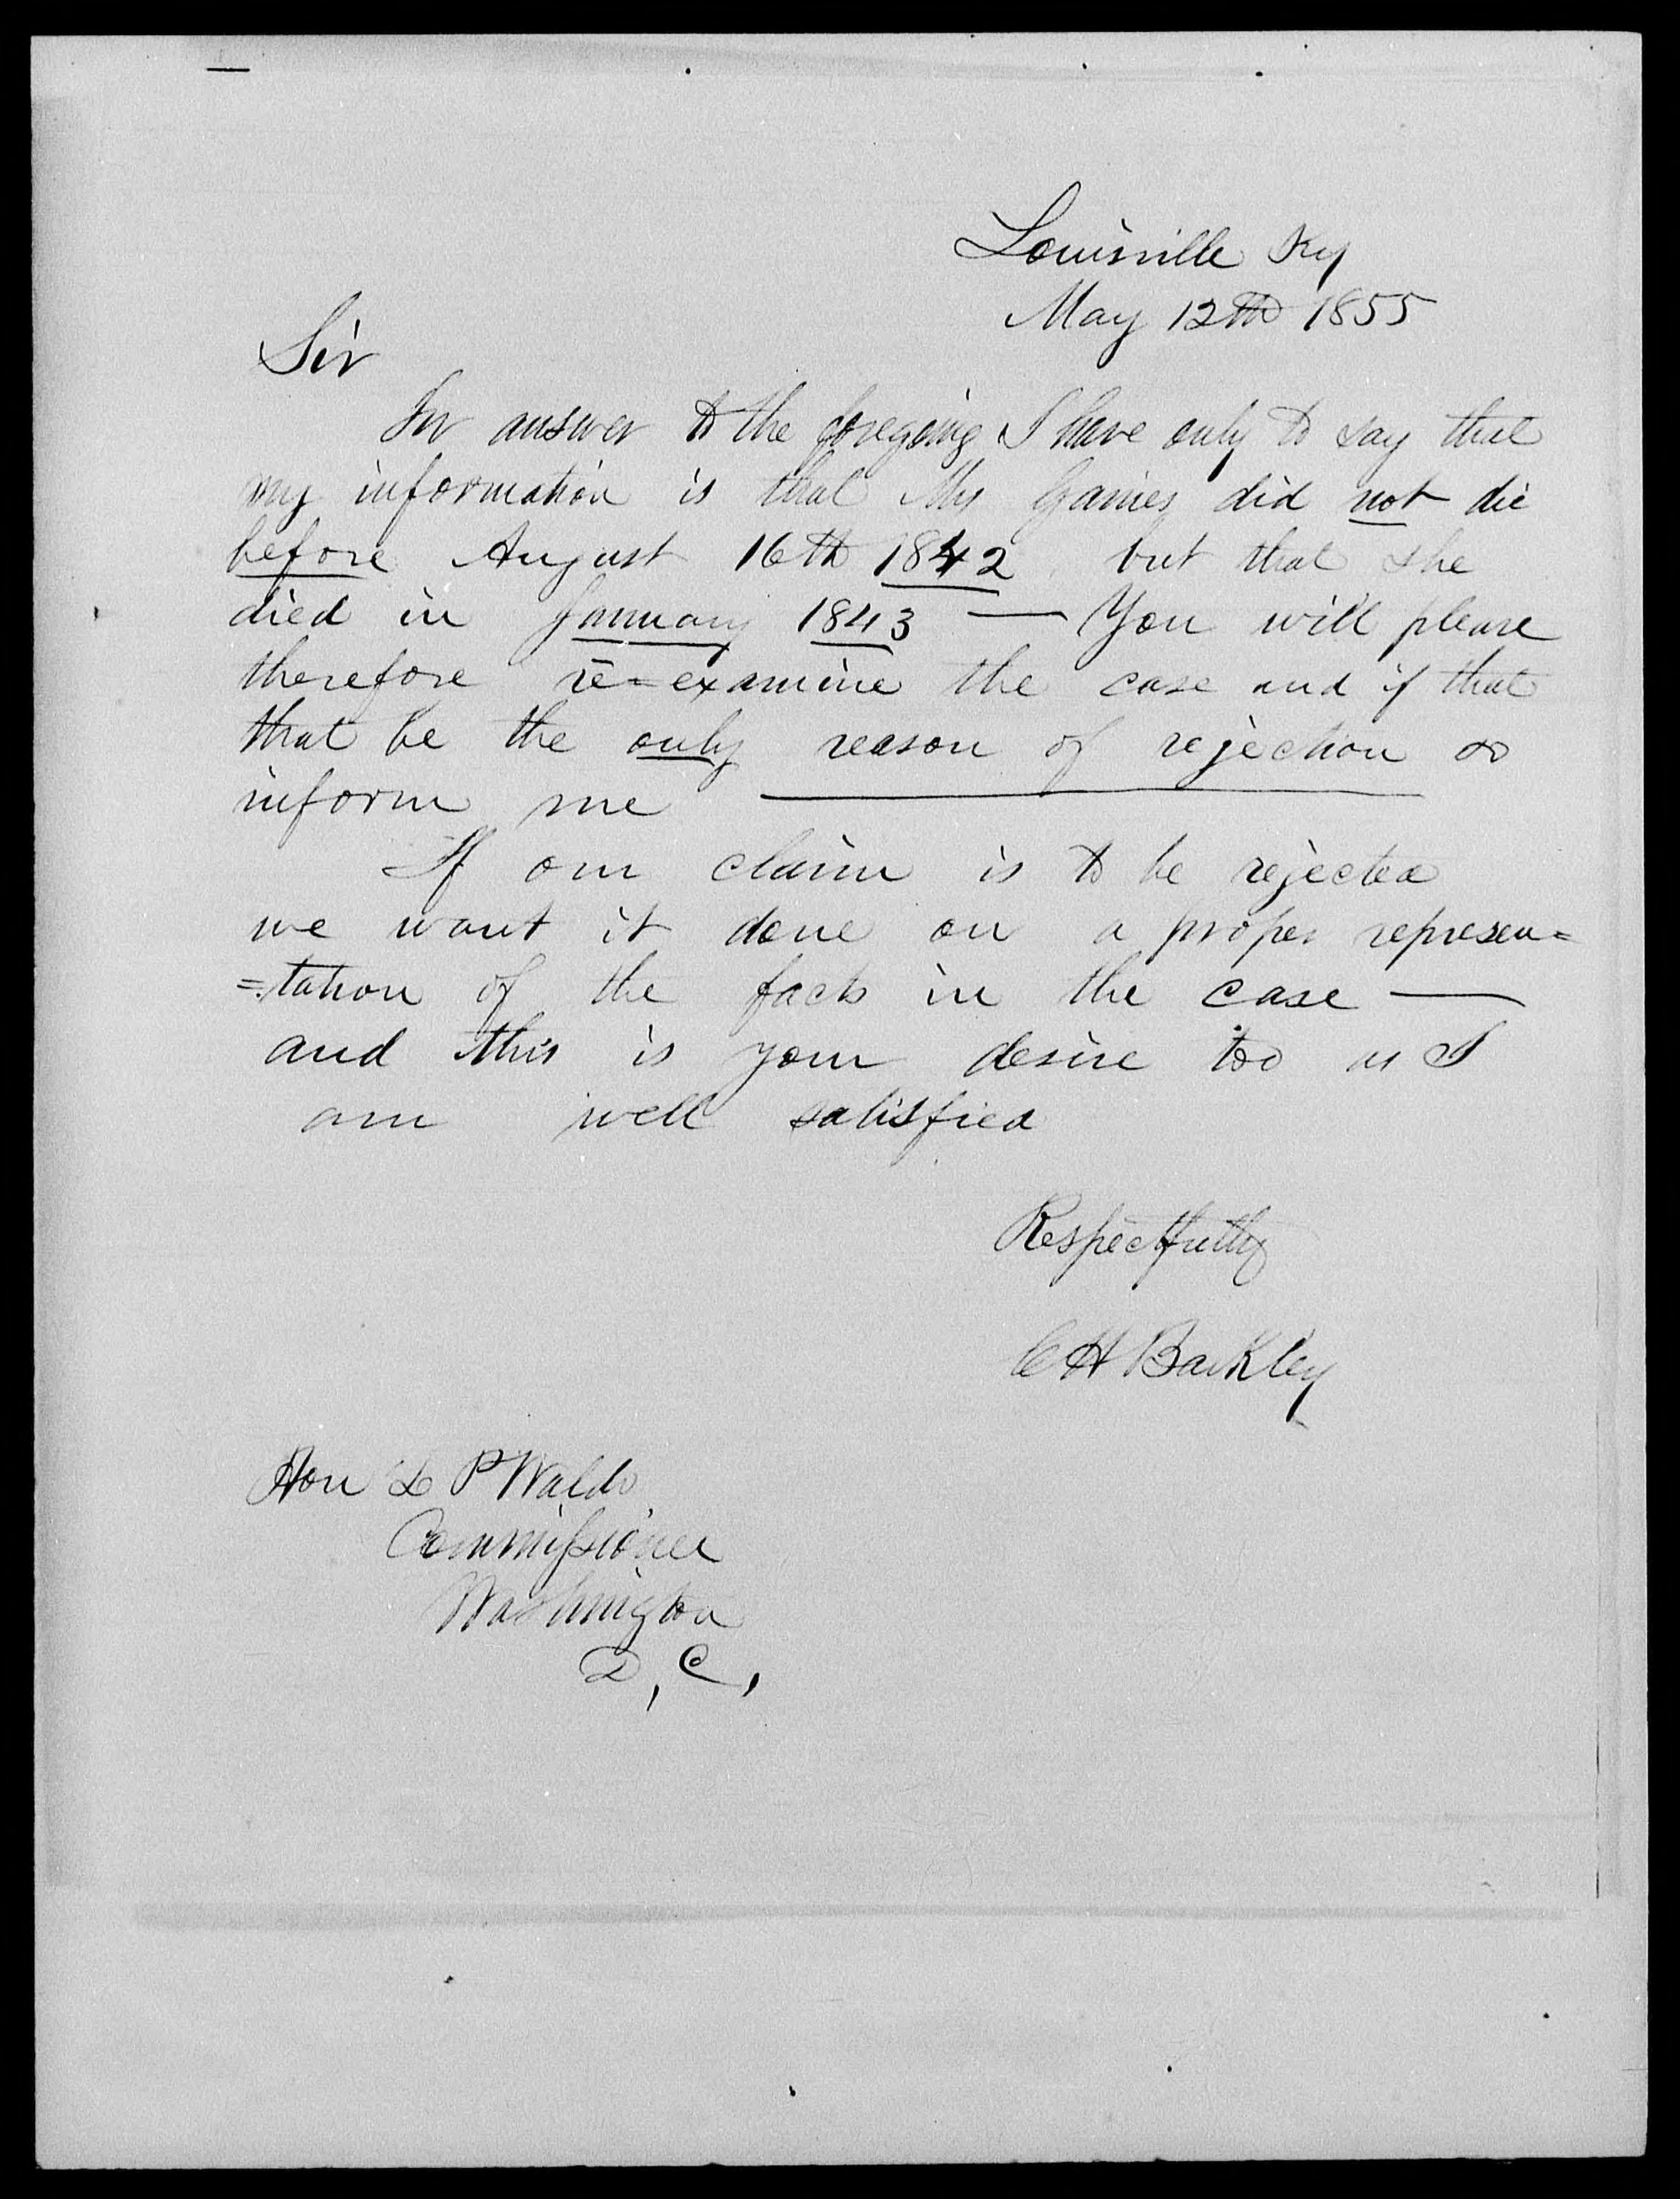Louisville Ky
May 12th 1855
Sir
In answer to the foregoing I here only to say that
my information is that Mrs Gaines did not die
before August 16th 1842, but that she
died in January 1843 - You will please
therefore reexamine the case and if that
that be the only reason of rejection or
inform me -
If our claim is to be rejected
we want it done on a proper representation 
of the facts in the case -
and this is your desire too as I
am well satisfied
Respectfully
C H Barkley

Hon L P Waldo
Commissioner
Washington D.C.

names: Gaines, L P Waldo, C H Barkley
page: 60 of 79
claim: rejected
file: R. 3863, Robert Gaines, Va.